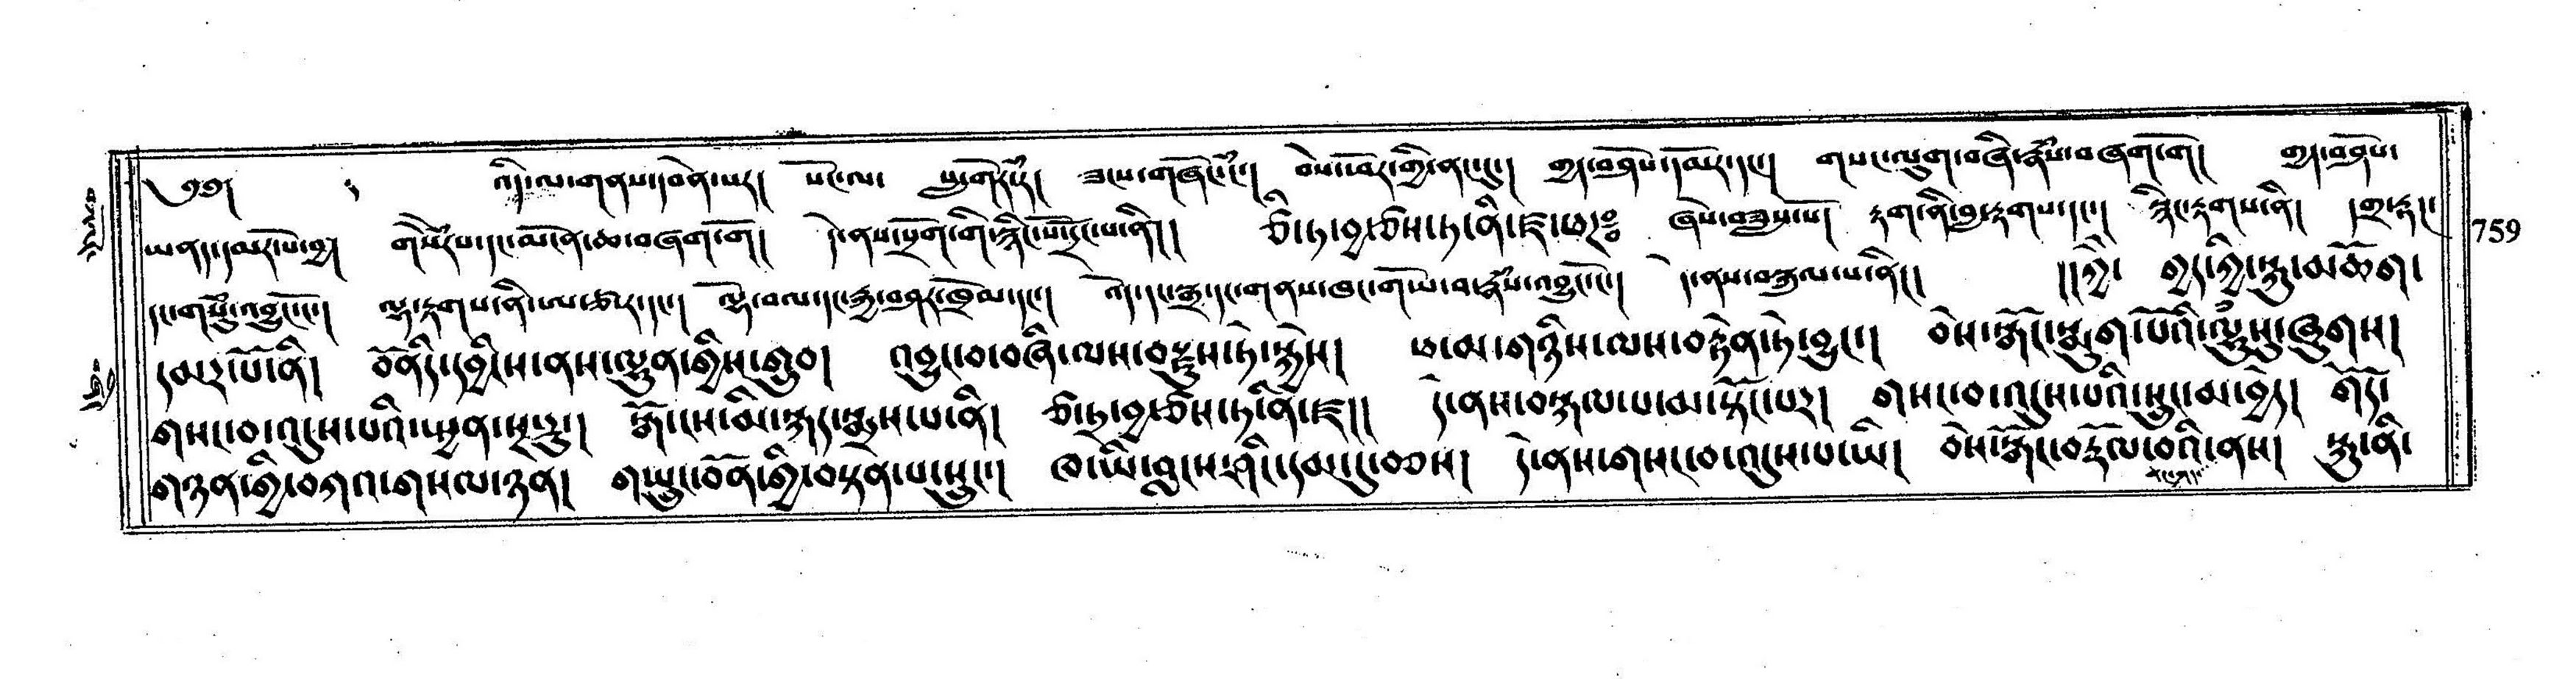འདི་ལ་གནས་དབེན་པར། སོང་ལ་སླ་གོར་རཾ། ཟངས་གཞོང་ངམ། བསེ་ཕོར་གྱི་ནང་དུ། གྱད་བཤོས་དམར་པོ་དང་། གསང་ལུག་བཞི་རྣམས་བཞག་གོ གྱད་བཤོས་
ཡན་ཆད་དམར་པོ་བྱ། གསེར་སྐྱེམས་དང་མངོན་ཆ་བཞག་གོ དེ་ནས་སྲོག་གི་སྙིང་པོ་དྲོང་པ་ནི།། ཙི་ཏ་བྱ་ཙས་ཏ་ནི་ཛ་ཕཊ༔ ཞེས་བཟླས་སོ། རྟག་ནི་བླ་རྟགས་དང་། སྙིང་རྟགས་ནི། དགྲ་རྟགས་
དང་གསུམ་འབྱུང་ངོ་། ལྷ་རྟགས་ནི་ཨ་ཙ་ར་དང་། ལྷོ་བལ་དང་རྒྱ་བཤར་ཁྲོལ་དང་། འོད་དང་སྒྲ་དང་གནས་ཁང་གཡོ་བ་རྣམས་འབྱུང་ངོ་། དེ་ནས་བསྐུལ་པ་ནི།། །།ཀྱཻ་གྱད་ཀྱི་སྐུ་མཆོག་
དམར་པོ་ནི། བོན་ཉིད་དབྱིངས་ནས་ལྷུན་གྱིས་གྲུབ། འབྱུང་བ་བཞི་ལས་བརྫུས་ཏེ་སྐྱེས། ཕ་མ་གཉིས་ལས་བརྟེན་ཏེ་བྱུང་། བསེ་སྒོང་སྨུག་པོའི་ལྷུམས་སུ་ཞུགས། 
གསང་བ་འདུས་པའི་སྤྱན་སྔ་རུ། སྒོ་ངས་མི་སྐད་སྨྲས་པ་ནི། ཙ་ཏྲ་བྱ་ཙས་ཏ་ནི་ཛ།། དེ་ནས་བསྐལ་པ་མ་སྟོང་པར། གསང་བ་འདུས་པའི་སྲུང་མ་བྱེད། གེ་ཁོད་
གཉན་གྱི་བཀའ་གསལ་ཉན། གཡུང་དྲུང་བོན་གྱི་བསྟན་པ་སྲུང་། ཁ་ཡི་བླངས་ཤིང་དམ་དུ་བཅས། དེ་ནས་གསང་བ་འདུས་པ་ཡི། བསེ་སྒོང་བརྡོལ་བའི་ནང་ཤེད་ནས། སྐུ་ནི་